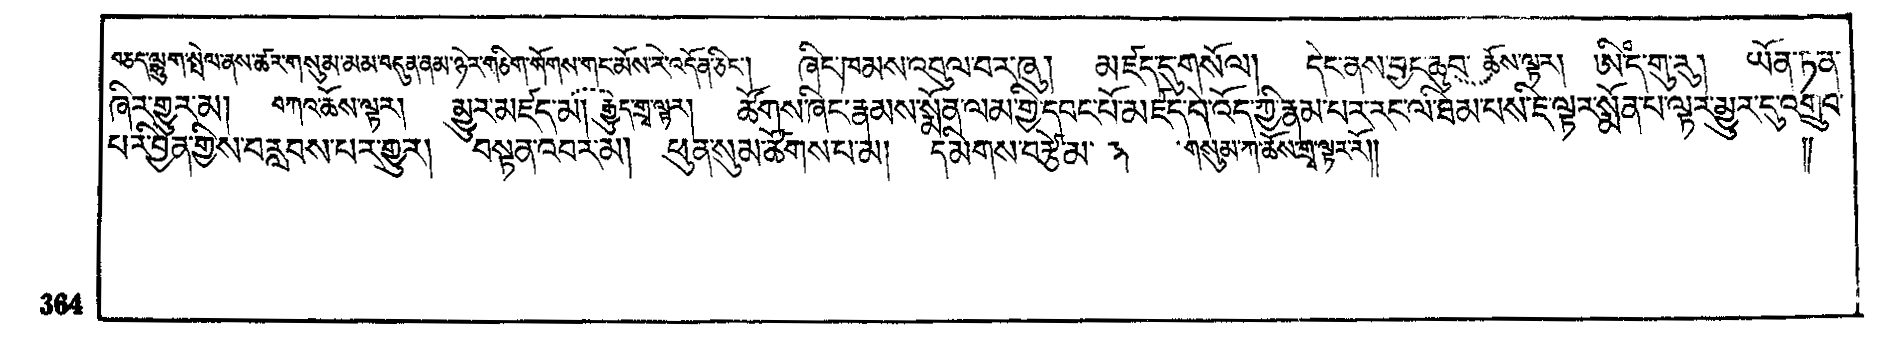བཅད་ལྷུག་སྤེལ་ནས་ཚར་གསུམ་མམ་བདུན་ནམ་ཉེར་གཅིག་གོགས་གང་མོས་རེ་འདོན་ཅིང་། ཞིང་ཁམས་འབུལ་བར་ཞུ། མཛད་དུ་གསོལ། དེང་ནས་བྱང་ཆུབ་ཆོས་ལྟར། ཨི་དཾ་གུ་རུ། ཡོན་ཏན་ཞིར་གྱུར་མ། བཀའ་ཆོས་ལྟར། མྱུར་མཛད་མ། རྒྱུད་གྲྭ་ལྟར། ཚོགས་ཞིང་རྣམས་སྨོན་ལམ་གྱི་དབང་པོ་མཛད་དེ། འོད་ཀྱི་རྣམ་པར་རང་ལ་ཐིམ་པས་ཇི་ལྟར་སྨོན་པ་ལྟར་མྱུར་དུ་འགྲུབ་
པར་བྱིན་གྱིས་བརླབས་པར་གྱུར། བསྟན་འབར་མ། ཕུན་སུམ་ཚོགས་པ་མ། དམིགས་བརྩེ་མ ༣་གསུམ་ཀ་ཆོས་གྲྭ་ལྟར་རོ།། །།